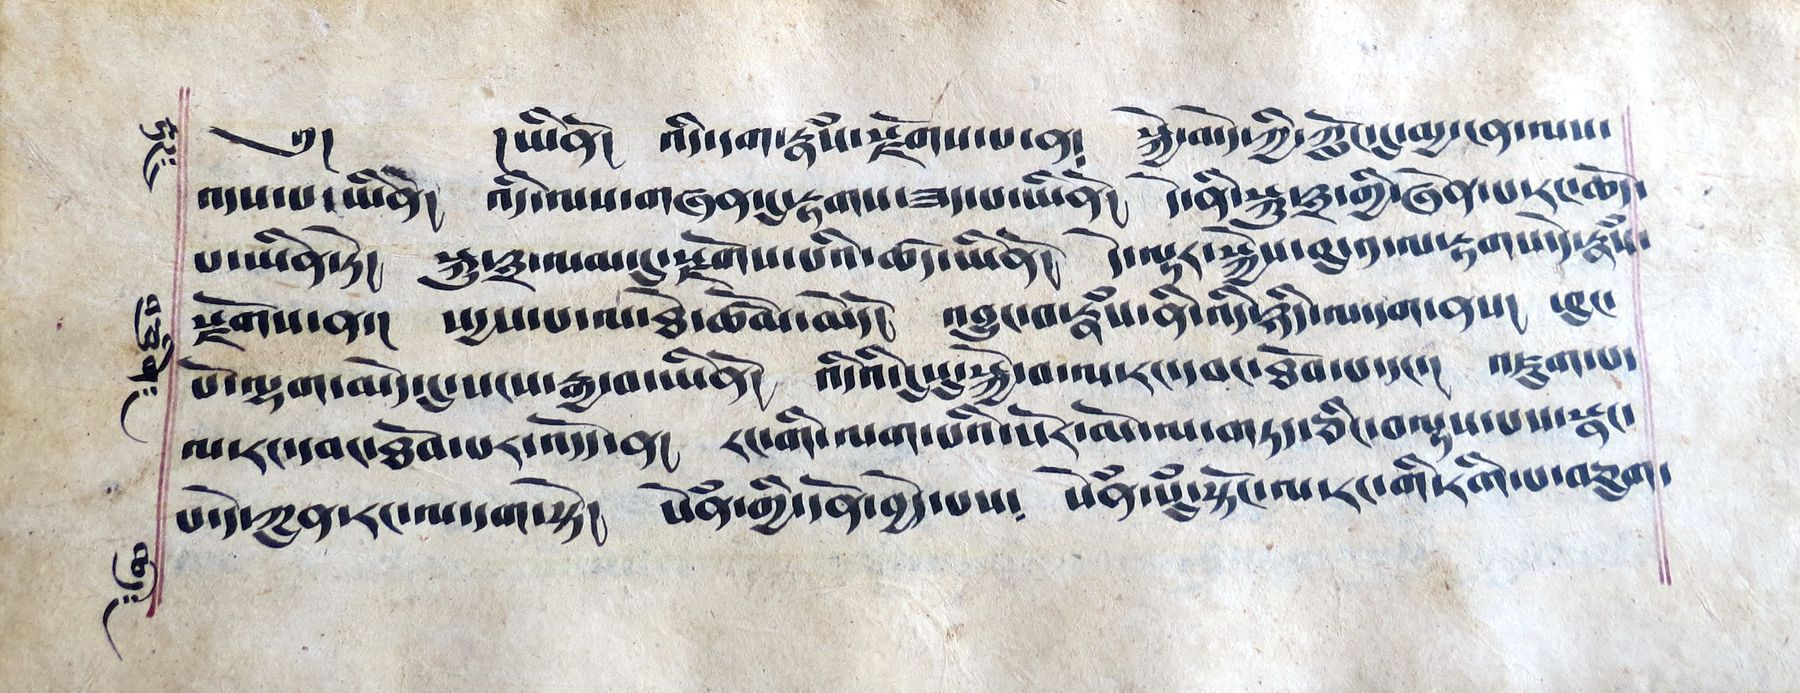ཡིན་ནོ། །འདི་དག་རྣམས་རྫོགས་ན། སྐྱེ་མེད་ཀྱི་ཀློང་དུ་མྱ་ངན་ལས་
འདས་པ་ཡིན་ཏེ། འདི་ལས་གཞན་དུ་རྟགས་ཟད་པ་ཡིན་ནོ། །དེ་ནི་སྐུ་གསུམ་གྱི་ཞེན་པ་རང་ཆོད་
པ་ཞེས་བྱ་སྟེ། སྐུ་གསུམ་ལམ་དུ་རྫོགས་པའི་ཚད་ཡིན་ནོ། །དེ་ལྟར་སྐྱེས་བུ་གཅིག་ལ་རྟགས་དེ་རྣམས་
རྫོགས་ན། སངས་རྒྱས་པ་ལ་ཐེ་ཚོམ་མེད་དོ། །འབྱུང་བ་རྣམས་ནི་འདི་ཉིད་ལ་དག་ནས། ཕུང་
པོ་ལྷག་མ་མེད་པར་སངས་རྒྱས་པ་ཡིན་ནོ། །འདིའི་དུས་སུ་སྐྱེ་བ་ལ་རང་དབང་ཐོབ་པ་དང་། འཇུག་པ་
ལ་རང་དབང་ཐོབ་པར་འདོད་ན། རང་གི་ལག་པའི་སོར་མོ་ལ་གཏད་ཅིང་ལྟས་པས། སྣང་
བ་དེ་ཀུན་རང་ལས་དག་སྟེ། སེམས་ཅན་གྱི་དོན་བྱེད་པས། སེམས་ཅན་སུམ་སྟོང་ལ་རང་གི་རིག་པ་བཅུག་